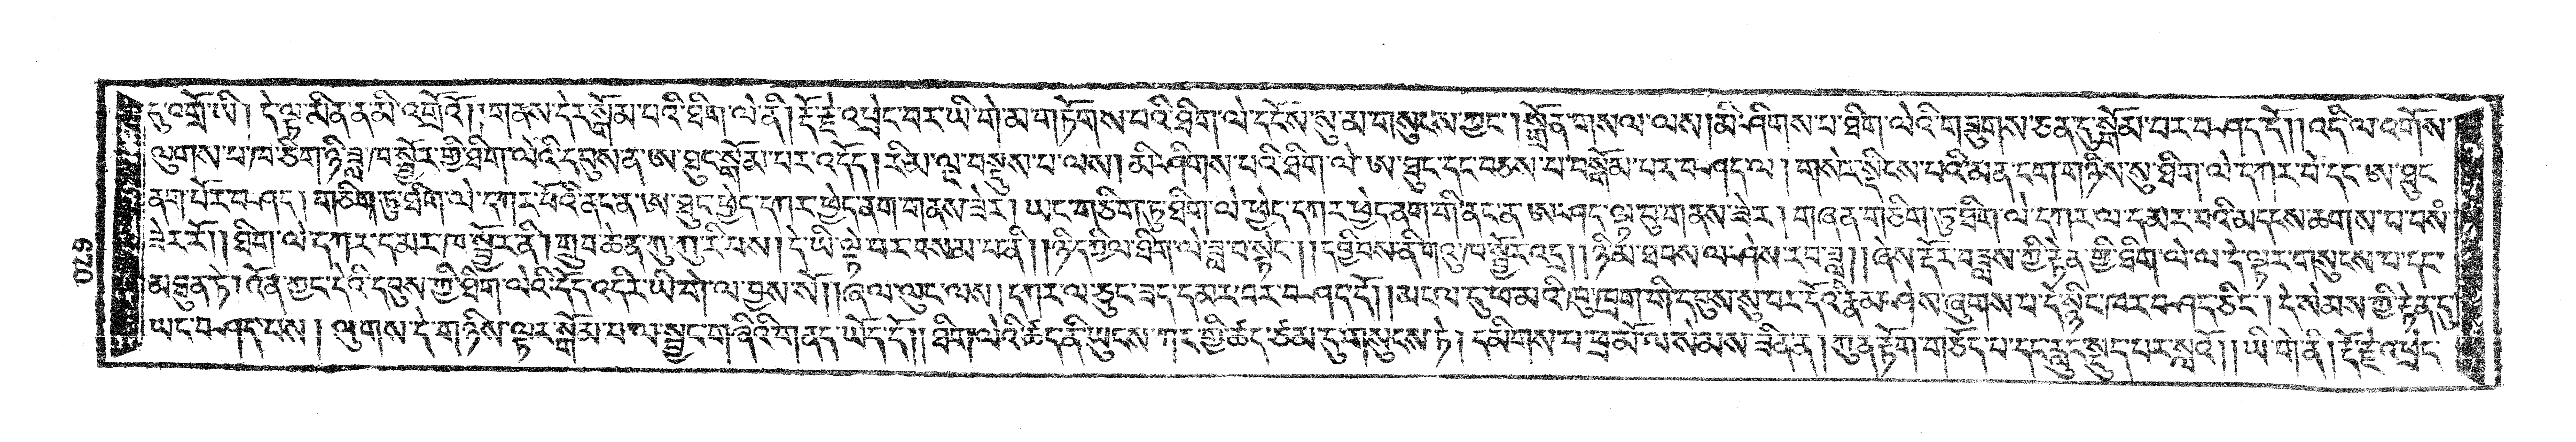དུ་འགྲོ་ཡི། དེ་ལྟ་མིན་ན་མི་འགྲོའོ། །གནས་དེར་སྒོམ་པའི་ཐིག་ལེ་ནི། རྡོ་རྗེ་འཕྲེང་བར་ཡི་གེ་མ་གཏོགས་པའི་ཐིག་ལེ་དངོས་སུ་མ་གསུངས་ཀྱང་། སྒྲོན་གསལ་ལས། མི་ཤིགས་པ་ཐིག་ལེའི་གཟུགས་ཅན་དུ་སྒོམ་པར་བཤད་དོ། །འདི་ལ་འགོས་
ལུགས་པ་ཁ་ཅིག་ཉི་ཟླ་ཁ་སྦྱོར་གྱི་ཐིག་ལེའི་དབུས་ན་ཨ་ཐུང་སྒོམ་པར་འདོད། རིམ་ལྔ་བསྡུས་པ་ལས། མི་ཤིགས་པའི་ཐིག་ལེ་ཨ་ཐུང་དང་བཅས་པ་བསྒོམ་པར་བཤད་ལ། གསེར་སྡིངས་པའི་མན་ངག་གཉིས་སུ་ཐིག་ལེ་དཀར་པོ་དང་ཨ་ཐུང་
ནག་པོར་བཤད། གཅིག་ཏུ་ཐིག་ལེ་དཀར་པོའི་ནང་ན་ཨ་ཐུང་ཕྱེད་དཀར་ཕྱེད་ནག་གནས་ཟེར། ཡང་གཅིག་ཏུ་ཐིག་ལེ་ཕྱེད་དཀར་ཕྱེད་ནག་གི་ནང་ན་ཨ་ཤད་ལྟ་བུ་གནས་ཟེར། གཞན་གཅིག་ཏུ་ཐིག་ལེ་དཀར་ལ་དམར་བའི་མདངས་ཆགས་པ་བསམ་
ཟེར་རོ། །ཐིག་ལེ་དཀར་དམར་ཁ་སྦྱོར་ནི། གྲུབ་ཆེན་ཀུ་ཀུ་རི་པས། དེ་ཡི་ལྟེ་བར་བསམ་པ་ནི། །ཉི་དཀྱིལ་ཐིག་ལེ་ཟླ་བ་སྟེང་། །དབྱིབས་ནི་གའུ་ཁ་སྦྱོར་འདྲ། །ཉི་མ་ཐབས་ལ་ཤེས་རབ་ཟླ། །ཞེས་རྡོར་བཟླས་ཀྱི་རྟེན་གྱི་ཐིག་ལེ་ལ་དེ་ལྟར་གསུངས་པ་དང་
མཐུན་ཏེ། འོན་ཀྱང་དེའི་དབུས་ཀྱི་ཐིག་ལེའི་དོད་འདིར་ཡི་གེ་ལ་བྱས་སོ། །ཞལ་ལུང་ལས། དཀར་ལ་ཅུང་ཟད་དམར་བར་བཤད་དོ། །མངལ་དུ་ཕ་མའི་ཁུ་ཁྲག་གི་དབུས་སུ་བར་དོའི་རྣམ་ཤེས་ཞུགས་པ་དེ་སྙིང་ཁར་བཤད་ཅིང་། དེ་སེམས་ཀྱི་རྟེན་དུ་
ཡང་བཤད་པས། ལུགས་དེ་གཉིས་ལྟར་སྒོམ་པ་ལ་སྦྱང་གཞིའི་གནད་ཡོད་དོ། །ཐིག་ལེའི་ཚད་ནི་ཡུངས་ཀར་གྱི་ཚད་ཙམ་དུ་གསུངས་ཏེ། དམིགས་པ་ཕྲ་མོ་ལ་སེམས་ཟིན་ན། ཀུན་རྟོག་གཅོད་པ་དང་རླུང་སྡུད་པར་སླའོ། །ཡི་གེ་ནི། རྡོ་རྗེ་འཕྲེང་